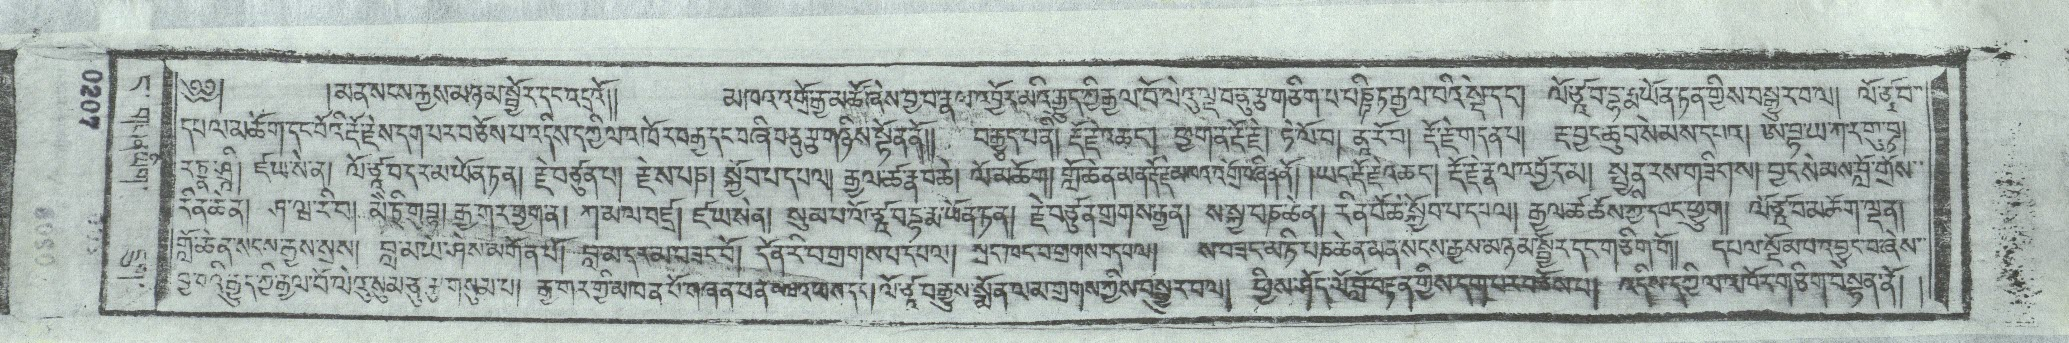༄༅། །མན་སངས་རྒྱས་མཉམ་སྦྱོར་དང་འདྲའོ།། མཁའ་འགྲོ་རྒྱ་མཚོ་ཞེས་བྱ་བ་རྣལ་འབྱོར་མའི་རྒྱུད་ཀྱི་རྒྱལ་བོ་ལེའུ་ལྔ་བ་ནུ་རྩ་གཅིག་པ་པཎྜི་ཏ་རྒྱལ་བའི་སྡེ་དང་། ལོ་ཙཱ་བ་དྷརྨ་ཡོན་ཏན་གྱིས་བསྒྱུར་བ་ལ། ལོ་ཙཱ་བ་
དཔལ་མཆོག་དང་བོའི་རྡོ་རྗེས་དག་པར་བཅོས་པ་འདིས་དཀྱིལ་འཁོར་བརྒྱ་དང་བཞི་བཅུ་རྩ་གཉིས་སྟོན་ནོ།། བརྒྱུད་པ་ནི། རྡོ་རྗེ་འཆང་། ཕྱག་ན་རྡོ་རྗེ། ཏེ་ལོ་བ། ནཱ་རོ་བ། རྡོ་རྗེ་གདན་པ། ཇ་བྱང་ཆུབ་སེམས་དཔའ། ཨ་བྷ་ཡ་གར་ཡུ་བྷ།
རཏྣ་ཤྲཱི། ཛ་ཡ་སེ་ན། ལོ་ཙཱ་བ་དར་མ་ཡོན་ཏན། རྗེ་བཙུན་པ། རྗེ་ས་པཎ། སྐྱོབ་པ་དཔལ། རྒྱལ་མཚན་བ་ཆེ། ལོ་མཆོག། གློ་ཆེན་མ་རྡོ་རྗེ་མཁའ་འགྲོ་བཞིན་ནོ། །ཡང་རྡོ་རྗེ་འཆང་། རྡོ་རྗེ་རྣལ་འབྱོར་མ། སྤྱན་རས་གཟིགས། བྱང་སེམས་བློ་གྲོས་
རིན་ཆེན། ཤ་ཝ་རི་བ། མཻ་ཏྲི་གུབཏ། རྒྱ་གར་ཕྱག་ན། ཀ་མ་ལ་བཛྲ། ཛ་ཡ་སེ་ན། སུམ་པ་ལོ་ཙཱ་བ་དྷརྨ་ཡོན་ཏན། རྗེ་བཙུན་གྲགས་རྒྱན། ས་སྐྱ་པཎ་ཆེན། རིན་པོ་ཆེ་སྐྱོབ་པ་དཔལ། རྒྱལ་ཚ་ཆོས་ཀྱི་དབང་ཕྱུག། ལོ་ཙཱ་བ་མཆོག་ལྡན།
གློ་ཆེན་སངས་རྒྱས་སྲས། བླ་མ་ཡེ་ཤེས་མགོན་པོ། བླ་མ་དར་མ་བཟང་པོ། དོན་རི་བ་གྲགས་པ་དཔལ། སྤང་ཁང་བ་གྲགས་པ་དཔལ། ས་བཟང་མ་ཏི་པཎ་ཆེན་མན་སངས་རྒྱས་མཉམ་སྦྱོར་དང་གཅིག་གོ། དཔལ་སྡོམ་པ་འབྱུང་བ་ཞེས་
བྱ་བའི་རྒྱུད་ཀྱི་རྒྱལ་བོ་ལེའུ་སུམ་ཅུ་རྩ་གསུམ་པ། རྒྱ་གར་གྱི་མཁན་པོ་གཞན་ཕན་མཐའ་ཡས་དང་། ལོ་ཙཱ་བ་རྒྱུས་སྨོན་ལམ་གྲགས་ཀྱིས་བསྒྱུར་བ་ལ། ཕྱིས་ཤོད་ལོ་བློ་བརྟན་གྱིས་དག་པར་བཅོས་པ། འདིས་དཀྱིལ་འཁོར་གཅིག་བསྟན་ནོ། །